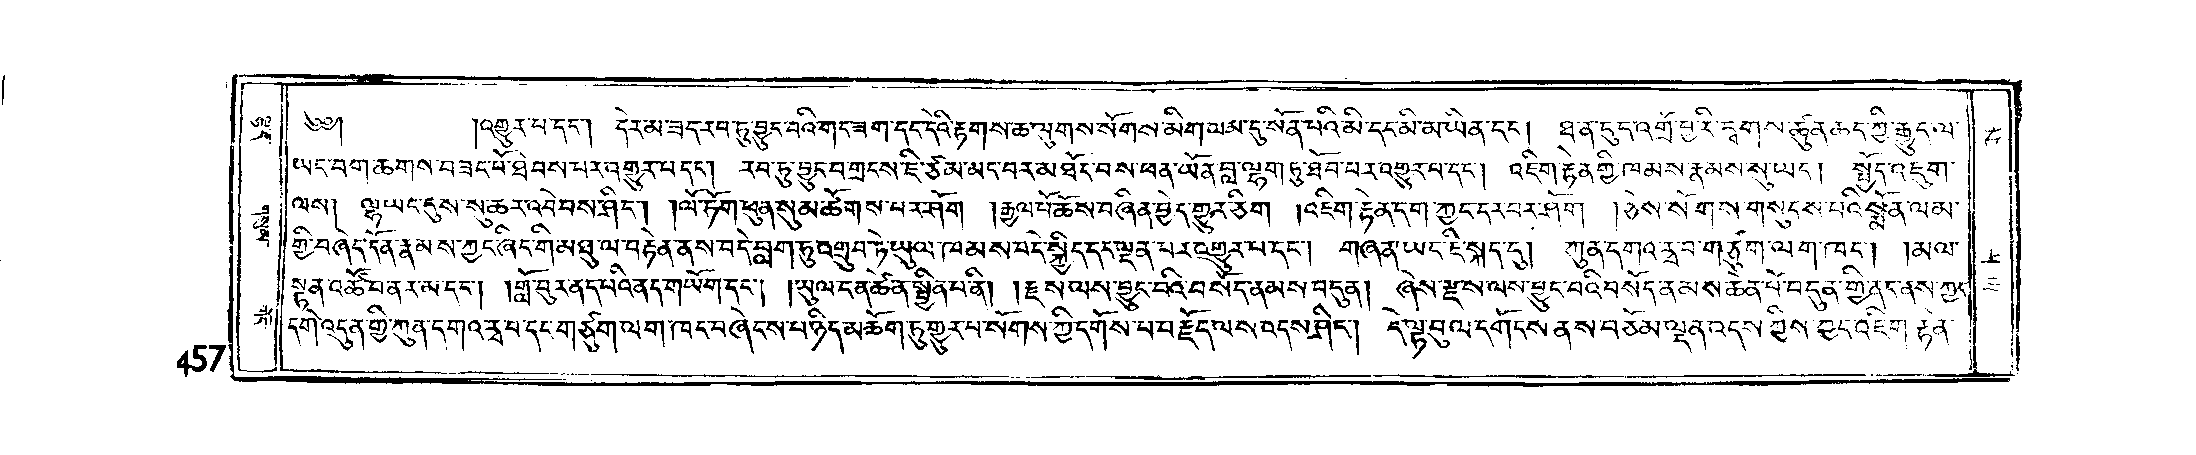༄༅། །འགྱུར་པ་དང་། དེར་མ་ཟད་རབ་ཏུ་བྱུང་བའི་གང་ཟག་དང་དེའི་རྟགས་ཆ་ལུགས་སོགས་མིག་ལམ་དུ་སོན་པའི་མི་དང་མི་མ་ཡིན་དང་། ཐ་ན་དུད་འགྲོ་བྱ་རི་དྭགས་ཚུན་ཆད་ཀྱི་རྒྱུད་ལ་
ཡང་བག་ཆགས་བཟང་པོ་ཐེབས་པར་འགྱུར་བ་དང་། རབ་ཏུ་བྱུང་བ་གྲངས་ཇི་ཙམ་མང་བར་མཐོང་བས་ཕན་ཡོན་བླ་ལྷག་ཏུ་ཐོབ་པར་འགྱུར་པ་དང་། འཇིག་རྟེན་གྱི་ཁམས་རྣམས་སུ་ཡང་། སྤྱོད་འཇུག་
ལས། ལྷ་ཡང་དུས་སུ་ཆར་འབེབས་ཤིང་། །ལོ་ཏོག་ཕུན་སུམ་ཚོགས་པར་ཤོག །རྒྱལ་པོ་ཆོས་བཞིན་བྱེད་གྱུར་ཅིག །འཇིག་རྟེན་དག་ཀྱང་དར་བར་ཤོག །ཅེས་སོགས་གསུངས་པའི་སྨོན་ལམ་
གྱི་བཞེད་དོན་རྣམས་ཀྱང་ཞིང་གི་མཐུ་ལ་བརྟེན་ནས་བདེ་བླག་ཏུ་འགྲུབ་ཏེ་ཡུལ་ཁམས་བདེ་སྐྱིད་དང་ལྡན་པར་འགྱུར་པ་དང་། གཞན་ཡང་ཇི་སྐད་དུ། ཀུན་དགའ་རྭ་བ་གཙུག་ལག་ཁང་། །མལ་
སྟན་འཚོ་བ་ནར་མ་དང་། །གློ་བུར་ནད་པའི་ནད་གཡོག་དང་། །ཡུལ་ངན་ཚེ་ན་སྦྱིན་པ་ནི། །རྫས་ལས་བྱུང་བའི་བསོད་ནམས་བདུན། ཞེས་རྫས་ལས་བྱུང་བའི་བསོད་ནམས་ཆེན་པོ་བདུན་གྱི་ནང་ནས་ཀྱང་
དགེ་འདུན་གྱི་ཀུན་དགའ་རྭ་བ་དང་གཙུག་ལག་ཁང་བཞེངས་པ་ཉིད་མཆོག་ཏུ་གྱུར་པ་སོགས་ཀྱི་དགོས་པ་བརྗོད་ལས་འདས་ཤིང་། དེ་ལྟ་བུ་ལ་དགོངས་ནས་བཅོམ་ལྡན་འདས་ཀྱིས་ཀྱང་འཇིག་རྟེན་